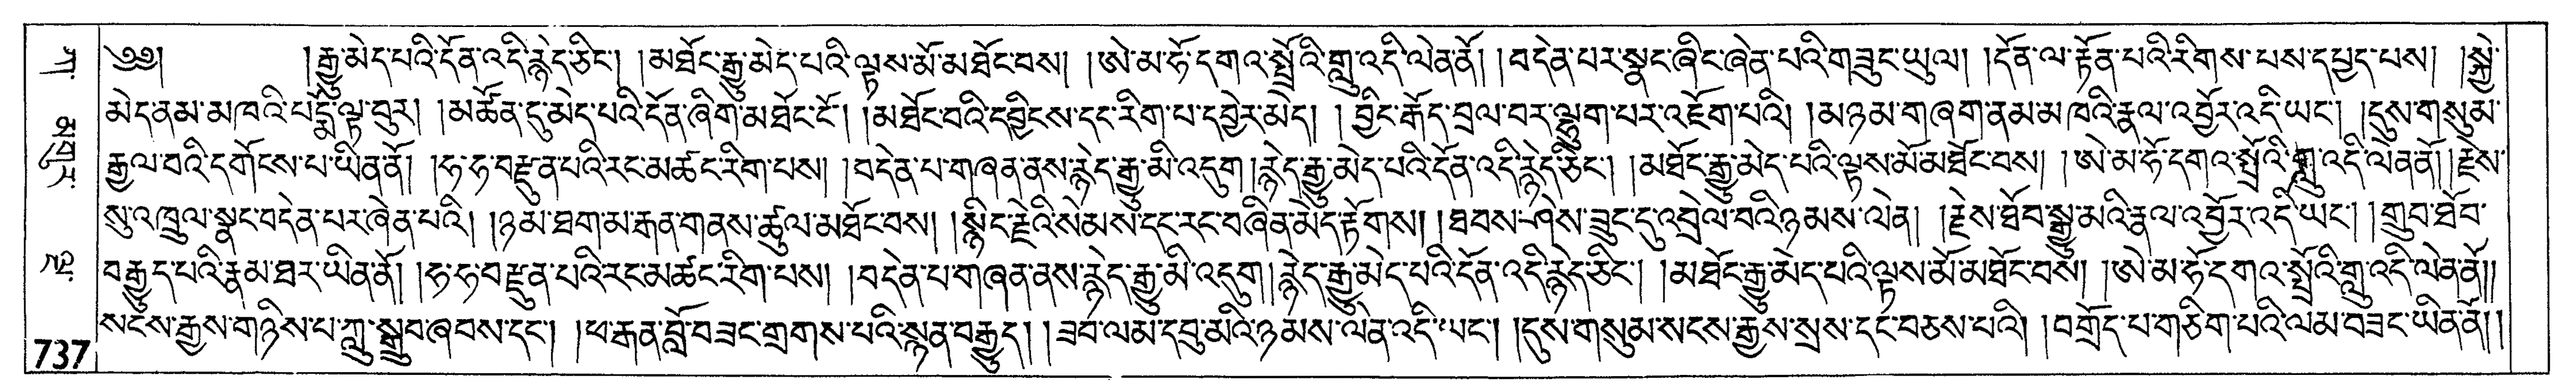༄༅། །རྒྱུ་མེད་པའི་དོན་འདི་རྙེད་ཅིང་། །མཐོང་རྒྱུ་མེད་པའི་ལྟས་མོ་མཐོང་བས། །ཨེ་མ་ཧོ་དགའ་སྤྲོའི་གླུ་འདི་ལེན་ནོ། །བདེན་པར་སྣང་ཞིང་ཞེན་པའི་གཟུང་ཡུལ། །དོན་ལ་རྟོན་པའི་རིགས་པས་དཔྱད་པས། །སྐྱེ་
མེད་ནམ་མཁའི་པདམོ་ལྟ་བུར། །མཚོན་དུ་མེད་པའི་དོན་ཞིག་རྣལ་འབྱོར་འདི་ཡང་། །གྲུབ་ཐོབ་བརྒྱུད་པའི་རྣམ་ཐར་ཡིན་ནོ། རྒོད་བྲལ་བར་ལྷུག་པར་འཇོག་པའི། །མཉམ་གཞག་ནམ་མཁའི་རྣལ་འབྱོར་འདི་ཡང་། །དུས་གསུམ་
རྒྱལ་བའི་དགོངས་པ་ཡིན་ནོ། །ཧ་ཧ་བརྫུན་པའི་རང་མཚང་རིག་པས། །བདེན་པ་གཞན་ནས་རྙེད་རྒྱུ་མི་འདུག །རྙེད་རྒྱུ་མེད་པའི་དོན་འདི་རྙེད་ཆིང་། །མཐོང་རྒྱུ་མེད་པའི་ལྟས་མོ་མཐོང་བས། །ཨེ་མ་ཧོ་དགའ་སྤྲོའི་གླུ་འདི་ལེན་ནོ། །རྗེས་
སུ་འཁྲུལ་སྣང་བདེན་པར་ཞེན་པའི། །ཉམ་ཐག་མ་རྒན་གནས་ཚུལ་མཐོང་བས། །སྙིང་རྗེའི་སེམས་དང་རང་བཞིན་མེད་རྟོགས། །ཐབས་ཤེས་ཟུང་དུ་འབྲེལ་བའི་ཉམས་ལེན། །རྗེས་ཐོབ་སྒྱུ་མའི་རྣལ་འབྱོར་འདི་ཡང་། །གྲུབ་ཐོབ་
བརྒྱུད་པའི་རྣམ་ཐར་ཡིན་ནོ། །ཧ་ཧ་བརྫུན་པའི་རང་མཚང་རིག་པས། །བདེན་པ་གཞན་ནས་རྙེད་རྒྱུ་མི་འདུག །རྙེད་རྒྱུ་མེད་པའི་དོན་འདི་རྙེད་ཅིང་། །མཐོང་རྒྱུ་མེད་པའི་ལྟས་མོ་མཐོང་བས། །ཨེ་མ་ཧོ་དགའ་སྤྲོའི་གླུ་འདི་ལེན་ནོ། །
སངས་རྒྱས་གཉིས་པ་ཀླུ་སྒྲུབ་ཞབས་དང་། །ཕ་རྒན་བློ་བཟང་གྲགས་པའི་སྙན་བརྒྱུད། །ཟབ་ལམ་དབུ་མའི་ཉམས་ལེན་འདི་ཡང་། །དུས་གསུམ་སངས་རྒྱས་སྲས་དང་བཅས་པའི། །བགྲོད་པ་གཅིག་པའི་ལམ་བཟང་ཡིན་ནོ། །